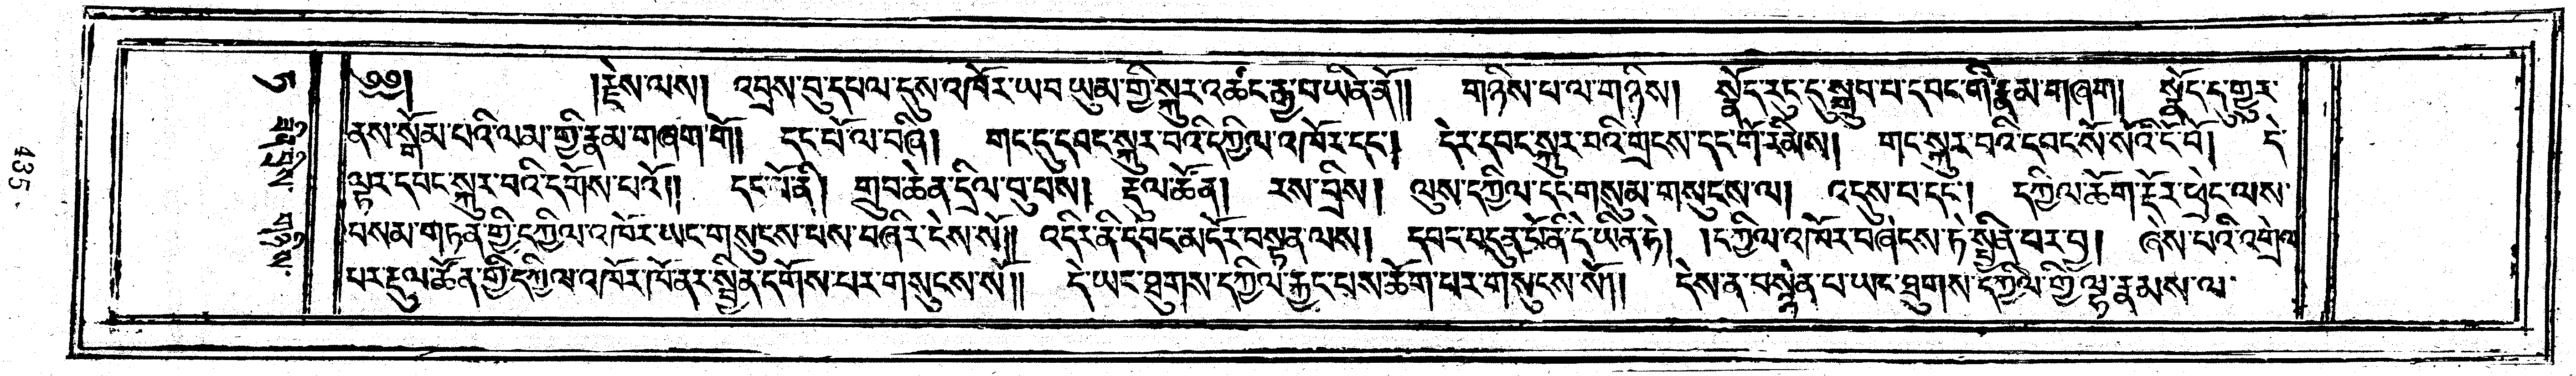༄༅། །རྗེས་ལས། འབྲས་བུ་དཔལ་དུས་འཁོར་ཡབ་ཡུམ་གྱི་སྐུར་འཚང་རྒྱ་བ་ཡིན་ནོ།། གཉིས་པ་ལ་གཉིས། སྣོད་རུང་དུ་སྒྲུབ་པ་དབང་གི་རྣམ་གཞག། སྣོད་དུ་གྱུར་
ནས་སྒོམ་པའི་ལམ་གྱི་རྣམ་གཞག་གོ། དང་པོ་ལ་བཞི། གང་དུ་དབང་སྐུར་བའི་དཀྱིལ་འཁོར་དང་། དེར་དབང་སྐུར་བའི་གྲངས་དང་གོ་རིམས། གང་སྐུར་བའི་དབང་སོ་སོའི་ངོ་བོ། དེ་
ལྟར་དབང་སྐུར་བའི་དགོས་པའོ།། དང་པོ་ནི། གྲུབ་ཆེན་དྲིལ་བུ་པས། རྡུལ་ཚོན། རས་བྲིས། ལུས་དཀྱིལ་དང་གསུམ་གསུངས་ལ། འདུས་པ་དང་། དཀྱིལ་ཆོག་རྡོར་ཕྲེང་ལས་
བསམ་གཏན་གྱི་དཀྱིལ་འཁོར་ཡང་གསུངས་པས་བཞིར་ངེས་སོ།། འདིར་ནི་དབང་མདོར་བསྟན་ལས། དབང་བདུན་པོ་ནི་དེ་ཡིན་ཏེ། །དཀྱིལ་འཁོར་བཞེངས་ཏེ་སྦྱིན་པར་བྱ། ཞེས་པའི་འགྲེལ་
པར་རྡུལ་ཚོན་གྱི་དཀྱིལ་འཁོར་ཁོ་ནར་སྦྱིན་དགོས་པར་གསུངས་སོ།། དེ་ཡང་ཐུགས་དཀྱིལ་རྐྱང་པས་ཆོག་པར་གསུངས་སོ།། དེས་ན་བསྙེན་པ་ཡང་ཐུགས་དཀྱིལ་གྱི་ལྷ་རྣམས་ལ་